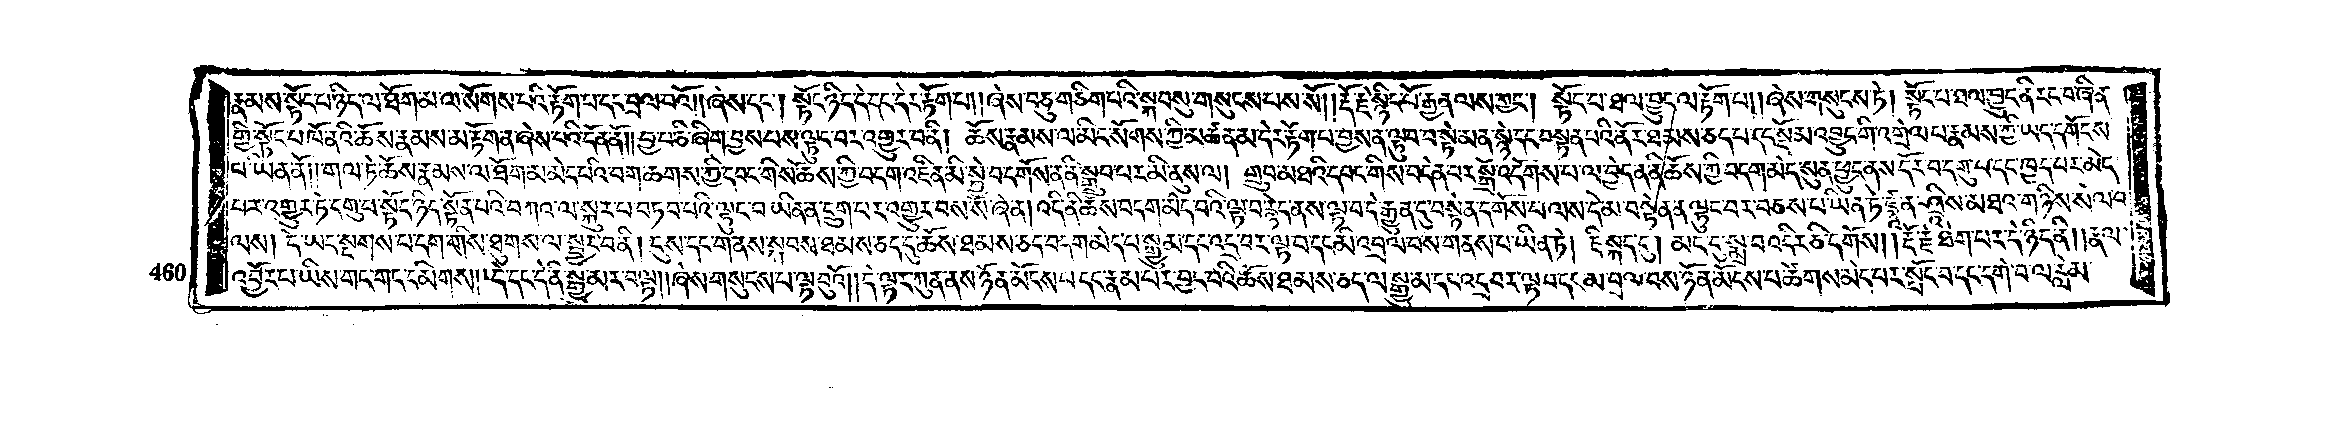རྣམས་སྟོང་པ་ཉིད་ལ་ཐོག་མ་ལ་སོགས་པའི་རྟོག་པ་དང་བྲལ་བའོ། །ཞེས་དང་། སྟོང་ཉིད་དེ་དང་དེར་རྟོག་པ། །ཞེས་བཅུ་གཅིག་པའི་སྐབས་སུ་གསུངས་པས་སོ། །རྡོ་རྗེ་སྙིང་པོ་རྒྱན་ལས་ཀྱང་། སྟོང་པ་ཐལ་བྱུང་ལ་རྟོག་པ། །ཞེས་གསུངས་ཏེ། སྟོང་པ་ཐལ་བྱུང་ནི་རང་བཞིན་
གྱི་སྟོང་པ་ཁོ་ནའི་ཆོས་རྣམས་མ་རྟོག་ན་ཞེས་པའི་དོན་ནོ། །བྱ་བ་ཅི་ཞིག་བྱས་པས་ལྟུང་བར་འགྱུར་བ་ནི། ཆོས་རྣམས་ལ་མིང་སོགས་ཀྱི་མཚན་མ་དེར་རྟོག་པ་བྱས་ན་ལྟུབ་བ་སྟེ་མན་སྙེ་དང་བསྟན་པའི་ནོར་ཐམས་ཅད་པ་དང་སྡོམ་འབྱུང་གི་འགྲེལ་པ་རྣམས་ཀྱི་ཡོད་དགོངས་
པ་ཡིན་ནོ། །གལ་ཏེ་ཆོས་རྣམས་ལ་ཐོག་མ་མེད་པའི་བག་ཆགས་ཀྱི་དབང་གིས་ཆོས་ཀྱི་བདག་འཛིན་མི་སྐྱེ་བ་དགོས་ན་ནི་སྒྲུབ་པར་མི་ནུས་ལ། གྲུབ་མཐའི་དབང་གིས་བདེན་པར་སྒྲོ་འདོགས་པ་ལ་བྱེད་ན་ནི་ཆོས་ཀྱི་བདག་མེད་སུན་ཕྱུང་ནས་དོར་བ་དགུ་པ་དང་ཁྱད་པར་མེད་
པར་འགྱུར་ཏེ་དགུ་པ་སྟོང་ཉིད་སྟོན་པའི་བཀའ་ལ་སྐུར་པ་བཏབ་པའི་ལྟུང་བ་ཡིན་ན་དྲུག་པར་འགྱུར་བས་སོ་ཞེ་ན། འདི་ནི་ཆོས་བདག་མེད་པའི་ལྟ་བ་རྙེད་ནས་ལྟ་བ་དེ་རྒྱུན་དུ་བསྟེན་དགོས་པ་ལས་དེ་མ་བསྟེན་ན་ལྟུང་བར་བཅས་པ་ཡིན་ཏེ་ཛྙཱ་ན་ཤྲཱིས་མཐའ་གཉིས་སེལ་བ་
ལས། དེ་ཡང་སྔགས་པ་དག་གིས་ཐུགས་ལ་སྦྱར་བ་ནི། དུས་དང་གནས་སྐབས་ཐམས་ཅད་དུ་ཆོས་ཐམས་ཅད་བདག་མེད་པ་སྒྱུ་མ་དང་འདྲ་བར་ལྟ་བ་དང་མི་འབྲལ་བས་གནས་པ་ཡིན་ཏེ། ཇི་སྐད་དུ། མང་དུ་སྨྲ་བ་འདིར་ཅི་དགོས། །རྡོ་རྗེ་ཐེག་པར་དེ་ཉིད་ནི། །རྣལ་
འབྱོར་པ་ཡིས་གང་གང་དམིགས། །དེ་དང་དེ་ནི་སྒྱུ་མར་བལྟ། །ཞེས་གསུངས་པ་ལྟ་བུའོ། །དེ་ལྟར་ཀུན་ནས་ཉོན་མོངས་པ་དང་རྣམ་པར་བྱང་བའི་ཆོས་ཐམས་ཅད་ལ་སྒྱུ་མ་དང་འདྲ་བར་ལྟ་བ་དང་མ་བྲལ་བས་ཉོན་མོངས་པ་ཚེགས་མེད་པར་སྤོང་བ་དང་དགེ་བ་ལ་རླེམ་